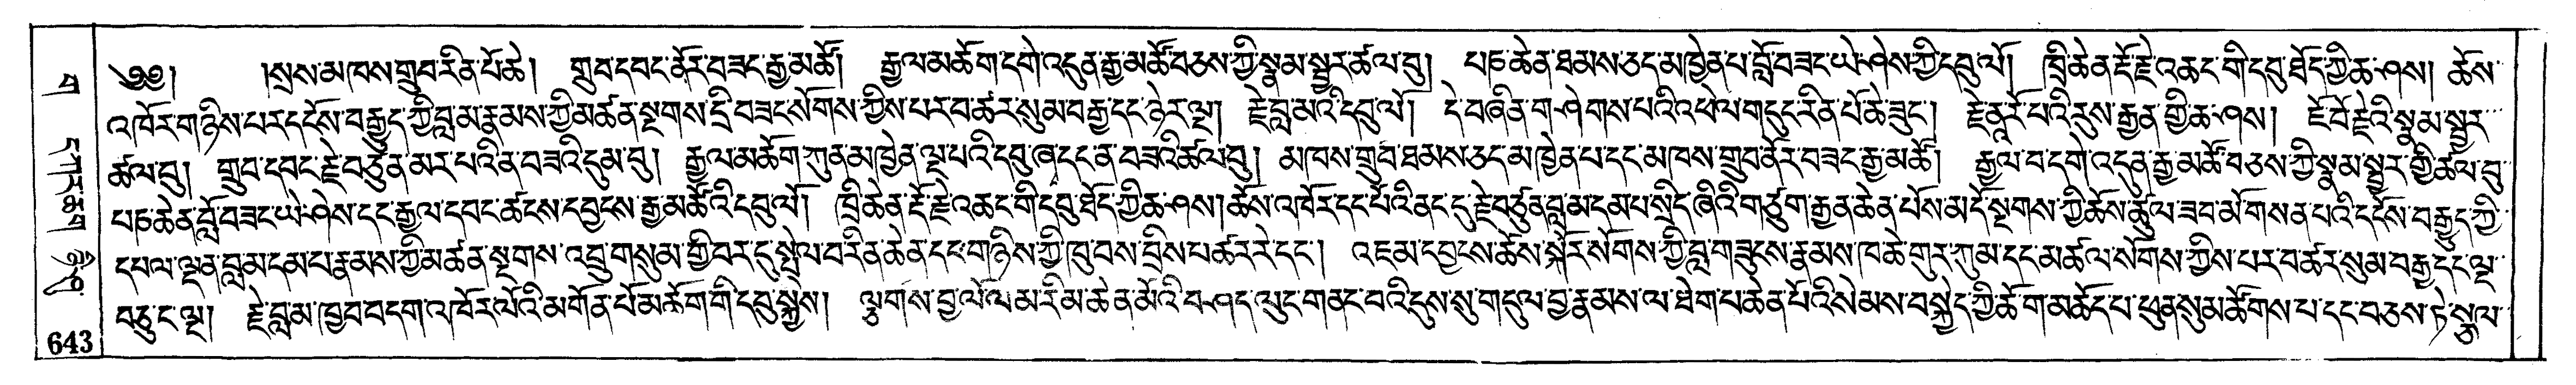༄༅། །སྲས་མཁས་གྲུབ་རིན་པོ་ཆེ། གྲུབ་དབང་ནོར་བཟང་རྒྱ་མཚོ། རྒྱལ་མཆོག་དགེ་འདུན་རྒྱ་མཚོ་བཅས་ཀྱི་སྣམ་སྦྱར་ཚལ་བུ། པཎ་ཆེན་ཐམས་ཅད་མཁྱེན་པ་བློ་བཟང་ཡེ་ཤེས་ཀྱི་དབུ་ལོ། ཁྲི་ཆེན་རྡོ་རྗེ་འཆང་གི་དབུ་ཐོད་ཀྱི་ཆ་ཤས། ཆོས་
འཁོར་གཉིས་པར་དངོས་བརྒྱུད་ཀྱི་བླ་མ་རྣམས་ཀྱི་མཚན་སྔགས་དྲི་བཟང་སོགས་ཀྱིས་པར་བ་ཚར་སུམ་བརྒྱ་དང་ཉེར་ལྔ། རྗེ་བླ་མའི་དབུ་ལོ། དེ་བཞིན་གཤེགས་པའི་འཕེལ་གདུང་རིན་པོ་ཆེ་ཟུང་། རྗེ་ནཱ་རོ་པའི་རུས་རྒྱན་གྱི་ཆ་ཤས། ཇོ་བོ་རྗེའི་སྣམ་སྦྱར་
ཚལ་བུ། གྲུབ་དབང་རྗེ་བཙུན་མར་པའི་ན་བཟའི་དུམ་བུ། རྒྱལ་མཆོག་ཀུན་མཁྱེན་ལྔ་པའི་དབུ་ཞྭ་དང་ན་བཟའི་ཚལ་བུ། མཁས་གྲུབ་ཐམས་ཅད་མཁྱེན་པ་དང་མཁས་གྲུབ་ནོར་བཟང་རྒྱ་མཚོ། རྒྱལ་བ་དགེ་འདུན་རྒྱ་མཚོ་བཅས་ཀྱི་སྣམ་སྦྱར་གྱི་ཆེལ་བུ་
པཎ་ཆེན་བློ་བཟང་ཡེ་ཤེས་དང་རྒྱལ་དབང་ཚངས་དབྱངས་ཆ་ཤས། ཆོས་འཁོར་དང་པོའི་ནང་དུ་རྗེ་བཙུན་བླ་མ་དམ་པ་ཆ་ཤས། ཆོས་འཁོར་དང་པོའི་ནང་དུ་རྗེ་བཙུན་བླ་མ་དམ་པ་སྲིད་ཞིའི་གཙུག་རྒྱན་ཆེན་པོས་མདོ་སྔགས་ཀྱི་ཆོས་ཚུལ་ཟབ་མོ་གསན་པའི་དངོས་བརྒྱུད་ཀྱི་
དཔལ་ལྡན་བླ་མ་དམ་པ་རྣམས་ཀྱི་མཚན་སྔགས་འབྲུ་གསུམ་གྱི་བར་དུ་སྤེལ་བ་རིན་ཆེན་དང་གཉིས་ཀྱི་ཁུ་བས་བྲིས་པ་ཚར་རེ་དང་། འཇམ་དབྱངས་ཆོས་སྐོར་སོགས་ཀྱི་བླ་གཟུངས་རྣམས་ཁ་ཆེ་གུར་ཀུམ་དང་མཚལ་སོགས་ཀྱིས་པར་བ་ཚར་སུམ་བརྒྱ་དང་ལྔ་
བཅུ་ང་ལྔ། རྗེ་བླ་མ་ཁྱབ་བདག་འཁོར་ལོའི་མགོན་པོ་མཆོག་གི་དབུ་སྐྱེས། ལྕགས་བྱ་ལོ་ལམ་རིམ་ཆེན་མོའི་བཤད་ལུང་གནང་བའི་དུས་སུ་གདུལ་བྱ་རྣམས་ལ་ཐེག་པ་ཆེན་པོའི་སེམས་བསྐྱེད་ཀྱི་ཆོ་ག་མཆོད་པ་ཕུན་སུམ་ཚོགས་པ་དང་བཅས་ཏེ་སྩལ་